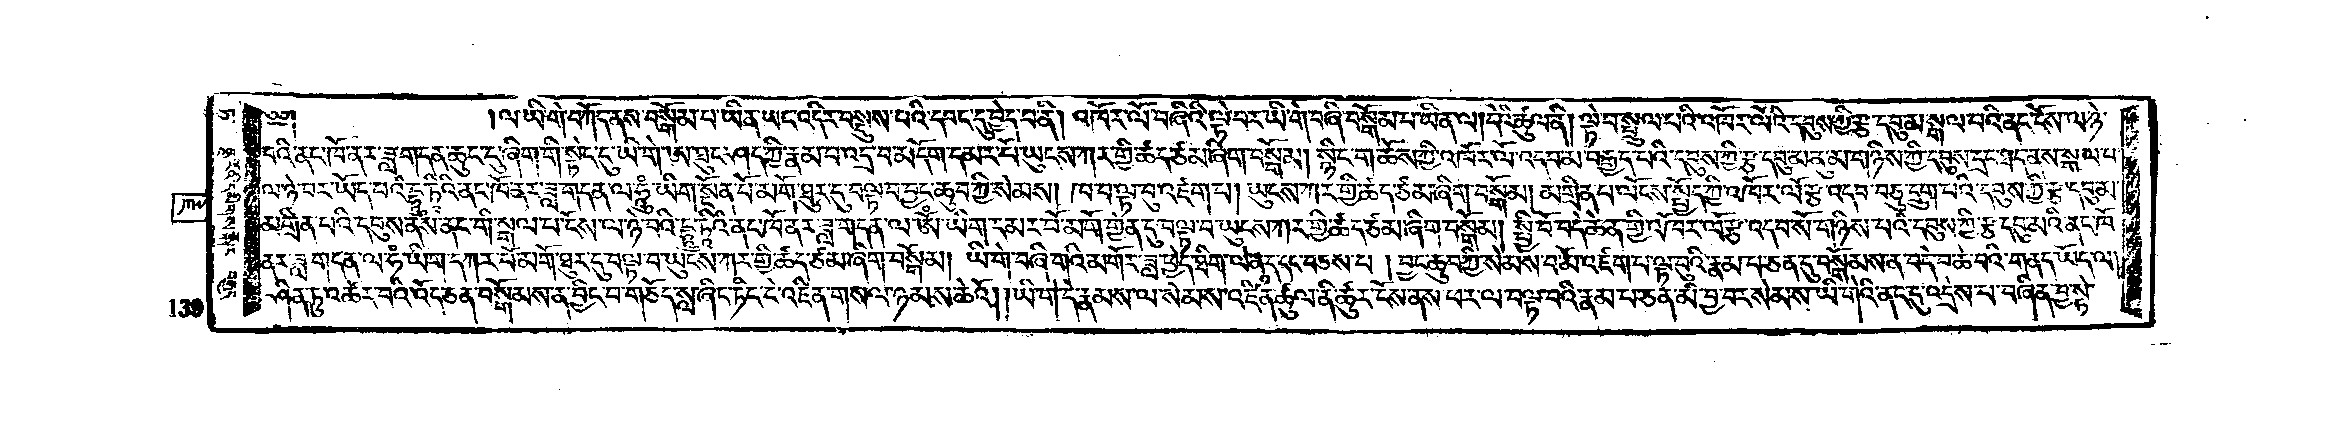༄༅། །ལ་ཡི་གེ་བཀོད་ནས་བསྒོམ་པ་ཡིན་ཡང་འདིར་བསྡུས་པའི་དབང་དུ་བྱེད་པ་ནི། འཁོར་ལོ་བཞིའི་ལྟེ་བར་ཡི་གེ་བཞི་བསྒོམ་པ་ཡིན་ལ། དེའི་ཚུལ་ནི། ལྟེ་བ་སྤྲུལ་པའི་འཁོར་ལོའི་དབུས་ཀྱི་རྩ་དབུ་མ་སྒལ་པའི་ནང་ངོས་ལ་ཉེ་
བའི་ནང་ཁོ་ནར་ཟླ་གདན་ཆུང་ངུ་ཞིག་གི་སྟེང་དུ་ཡི་གེ་ཨ་ཐུང་ཤད་ཀྱི་རྣམ་པ་འདྲ་བ་མདོག་དམར་པོ་ཡུངས་ཀར་གྱི་ཚད་ཙམ་ཞིག་བསྒོམ། སྙིང་ག་ཆོས་ཀྱི་འཁོར་ལོ་འདབ་མ་བརྒྱད་པའི་དབུས་ཀྱི་རྩ་དབུ་མ་ནུ་མ་གཉིས་ཀྱི་དབུས་དྲང་ཐད་ནས་སྒལ་པ་
ལ་ཉེ་བར་ཡོད་པའི་དྷཱུ་ཏཱིའི་ནང་ཁོ་ནར་ཟླ་གདན་ལ་ཧཱུཾ་ཡིག་སྔོན་པོ་མགོ་ཐུར་དུ་བལྟ་བ་བྱང་ཆུབ་ཀྱི་སེམས། ཁ་བ་ལྟ་བུ་འཛག་པ། ཡུངས་ཀར་གྱི་ཚད་ཙམ་ཞིག་བསྒོམ། མགྲིན་པ་ལོངས་སྤྱོད་ཀྱི་འཁོར་ལོ་རྩ་འདབ་བཅུ་དྲུག་པའི་དབུས་ཀྱི་རྩ་དབུ་མ་
མགྲིན་པའི་དབུས་ནས་ནང་གི་སྒལ་པ་ངོས་ལ་ཉེ་བའི་དྷཱུ་ཏཱིའི་ནང་ཁོ་ནར་ཟླ་གདན་ལ་ཨོཾ་ཡིག་དམར་པོ་མགོ་གྱེན་དུ་བལྟ་བ་ཡུངས་ཀར་གྱི་ཚད་ཙམ་ཞིག་བསྒོམ། སྤྱི་བོ་བདེ་ཆེན་གྱི་འཁོར་ལོ་རྩ་འདབ་སོ་གཉིས་པའི་དབུས་ཀྱི་རྩ་དབུ་མའི་ནང་ཁོ་
ནར་ཟླ་གདན་ལ་ཧཾ་ཡིག་དཀར་པོ་མགོ་ཐུར་དུ་བལྟ་བ་ཡུངས་ཀར་གྱི་ཚད་ཙམ་ཞིག་བསྒོམ། ཡི་གེ་བཞི་གའི་མགོར་ཟླ་ཕྱེད་ཐིག་ལེ་ནཱ་ད་དང་བཅས་པ། བྱང་ཆུབ་ཀྱི་སེམས་བ་མོ་འཛག་པ་ལྟ་བུའི་རྣམ་པ་ཅན་དུ་བསྒོམས་ན་བདེ་བ་ཆེ་བའི་གནད་ཡོད་ལ།
ཤིན་ཏུ་འཚེར་བའི་འོད་ཅན་བསྒོམས་ན་བྱིང་བ་གཅོད་སླ་ཞིང་ཏིང་ངེ་འཛིན་གསལ་ཉམས་ཆེའོ། །ཡི་གེ་དེ་རྣམས་ལ་སེམས་འཛིན་ཚུལ་ནི་ཚུར་ངོས་ནས་ཕར་ལ་བལྟ་བའི་རྣམ་པ་ཅན་མི་བྱ་བར་སེམས་ཡི་གེའི་ནང་དུ་འདྲེས་པ་བཞིན་བྱ་སྟེ་